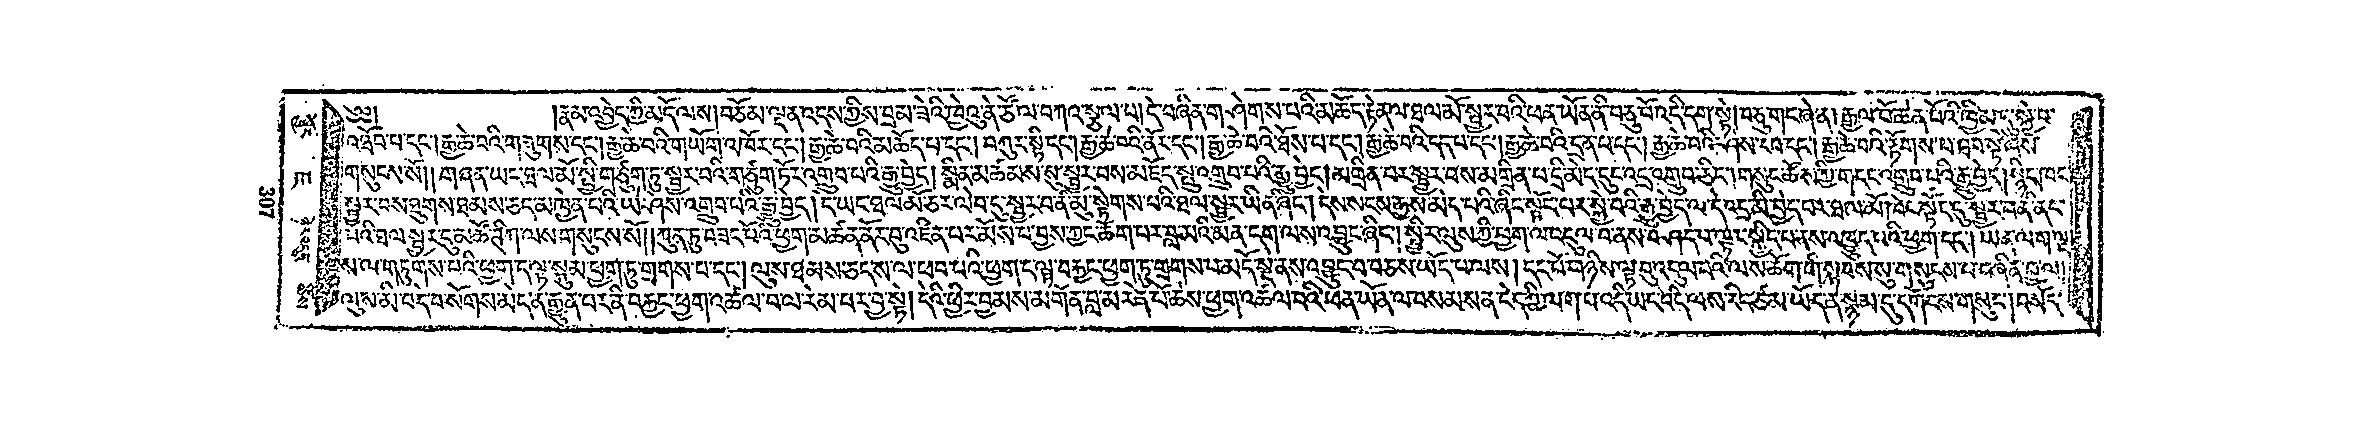༄༅། །རྣམ་འབྱེད་ཀྱི་མདོ་ལས། བཅོམ་ལྡན་འདས་ཀྱིས་བྲམ་ཟེའི་ཁྱེའུ་ནེ་ཙོ་ལ་བཀའ་སྩལ་པ། དེ་བཞིན་གཤེགས་པའི་མཆོད་རྟེན་ལ་ཐལ་མོ་སྦྱར་བའི་ཕན་ཡོན་ནི་བཅུ་བོ་འདི་དག་སྟེ། བཅུ་གང་ཞེ་ན། རྒྱལ་པོ་ཆེན་པོའི་ཁྱིམ་དུ་སྐྱེ་བ་
འཐོབ་པ་དང་། རྒྱ་ཆེ་བའི་གཟུགས་དང་། རྒྱ་ཆེ་བའི་གཡོག་འཁོར་དང་། རྒྱ་ཆེ་བའི་མཆོད་པ་དང་། བཀུར་སྟི་དང་། རྒྱ་ཆེ་བའི་ནོར་དང་། རྒྱ་ཆེ་བའི་ཐོས་པ་དང་། རྒྱ་ཆེ་བའི་དད་པ་དང་། རྒྱ་ཆེ་བའི་དྲན་པ་དང་། རྒྱ་ཆེ་བའི་ཤེས་རབ་དང་། རྒྱ་ཆེ་བའི་རྟོགས་པ་ཐབ་སྟེ་ཞེས་
གསུངས་སོ། །གཞན་ཡང་ཐལ་མོ་སྤྱི་གཙུག་ཏུ་སྦྱར་བའི་གཙུག་ཏོར་འགྲུབ་པའི་རྒྱུ་བྱེད། སྨིན་མཚམས་སུ་སྦྱར་བས་མཛོད་སྤུ་འགྲུབ་པའི་རྒྱུ་བྱེད། མགྲིན་པར་སྦྱར་བས་མགྲིན་པ་དྲི་མེད་དུང་འདྲ་འགྲུབ་ཅིང་། གསུང་ཆོས་ཀྱི་གདང་འགྲུབ་པའི་རྒྱུ་བྱེད། སྙིང་ཁང་
སྦྱར་བས་ཐུགས་ཐམས་ཅད་མཁྱེན་པའི་ཡེ་ཤེས་འགྲུབ་པའི་རྒྱུ་བྱེད། དེ་ཡང་ཐལ་མོ་ཅར་ལེབ་དུ་སྦྱར་བ་ནི་མུ་སྟེགས་པའི་ཐལ་སྦྱར་ཡིན་ཞིང་། དེས་སངས་རྒྱས་མེད་པའི་ཞིང་སྟོང་པར་སྐྱེ་བའི་རྒྱུ་བྱེད་ལ་དེ་འདྲ་མི་བྱེད་པར་ཐལ་མོ་ཁེང་སྟོང་དུ་སྦྱར་བ་ནི་ནང་
པའི་ཐལ་སྦྱར་དུ་མཚོ་ཊིཀ་ལས་གསུངས་སོ། །ཀུན་ཏུ་བཟང་པོའི་ཕྱག་མཚན་ནོར་བུ་འཛིན་པར་མོས་པ་བྱས་ཀྱང་ཆོག་པར་བླ་མའི་མན་ངག་ལས་འབྱུང་ཞིང་། སྤྱིར་ལུས་ཀྱི་ཕྱག་ལ་འདུལ་བ་ནས་བཤད་པ་ལྟར་སྐྱིད་པ་ནས་འཁྱུད་པའི་ཕྱག་དང་། ཡན་ལག་ལྔ་
ས་ལ་གཏུགས་པའི་ཕྱག་ད་ལྟ་སྐུམ་ཕྱག་ཏུ་གྲགས་པ་དང་། ལུས་ཐམས་ཅད་ས་ལ་ཕབ་པའི་ཕྱག་ད་ལྟ་བརྐྱང་ཕྱག་ཏུ་གྲགས་པ་མདོ་སྔ་ནས་འབྱུང་བ་བཅས་ཡོད་པ་ལས། དང་པོ་གཉིས་ལྟ་བུ་འདུལ་བའི་ལས་ཆོག་གི་སྐབས་སུ་གསུངས་པ་བཞིན་བྱ་ལ།
ལུས་མི་བདེ་བ་སོགས་མེད་ན་རྒྱུན་པར་ནི་བརྐྱང་ཕྱག་འཚལ་བ་ལ་རེམ་པར་བྱ་སྟེ། དེའི་ཕྱིར་བྱམས་མགོན་བླ་མ་རིན་པོ་ཆེས་ཕྱག་འཚལ་བའི་ཕན་ཡོན་ལ་བསམས་ན་ངེད་ཀྱི་ལག་པ་འདི་ཡང་འདི་ལས་རིང་ཙམ་ཡོད་ན་སྙམ་དུ་དགོངས་གསུང་། བསོད་